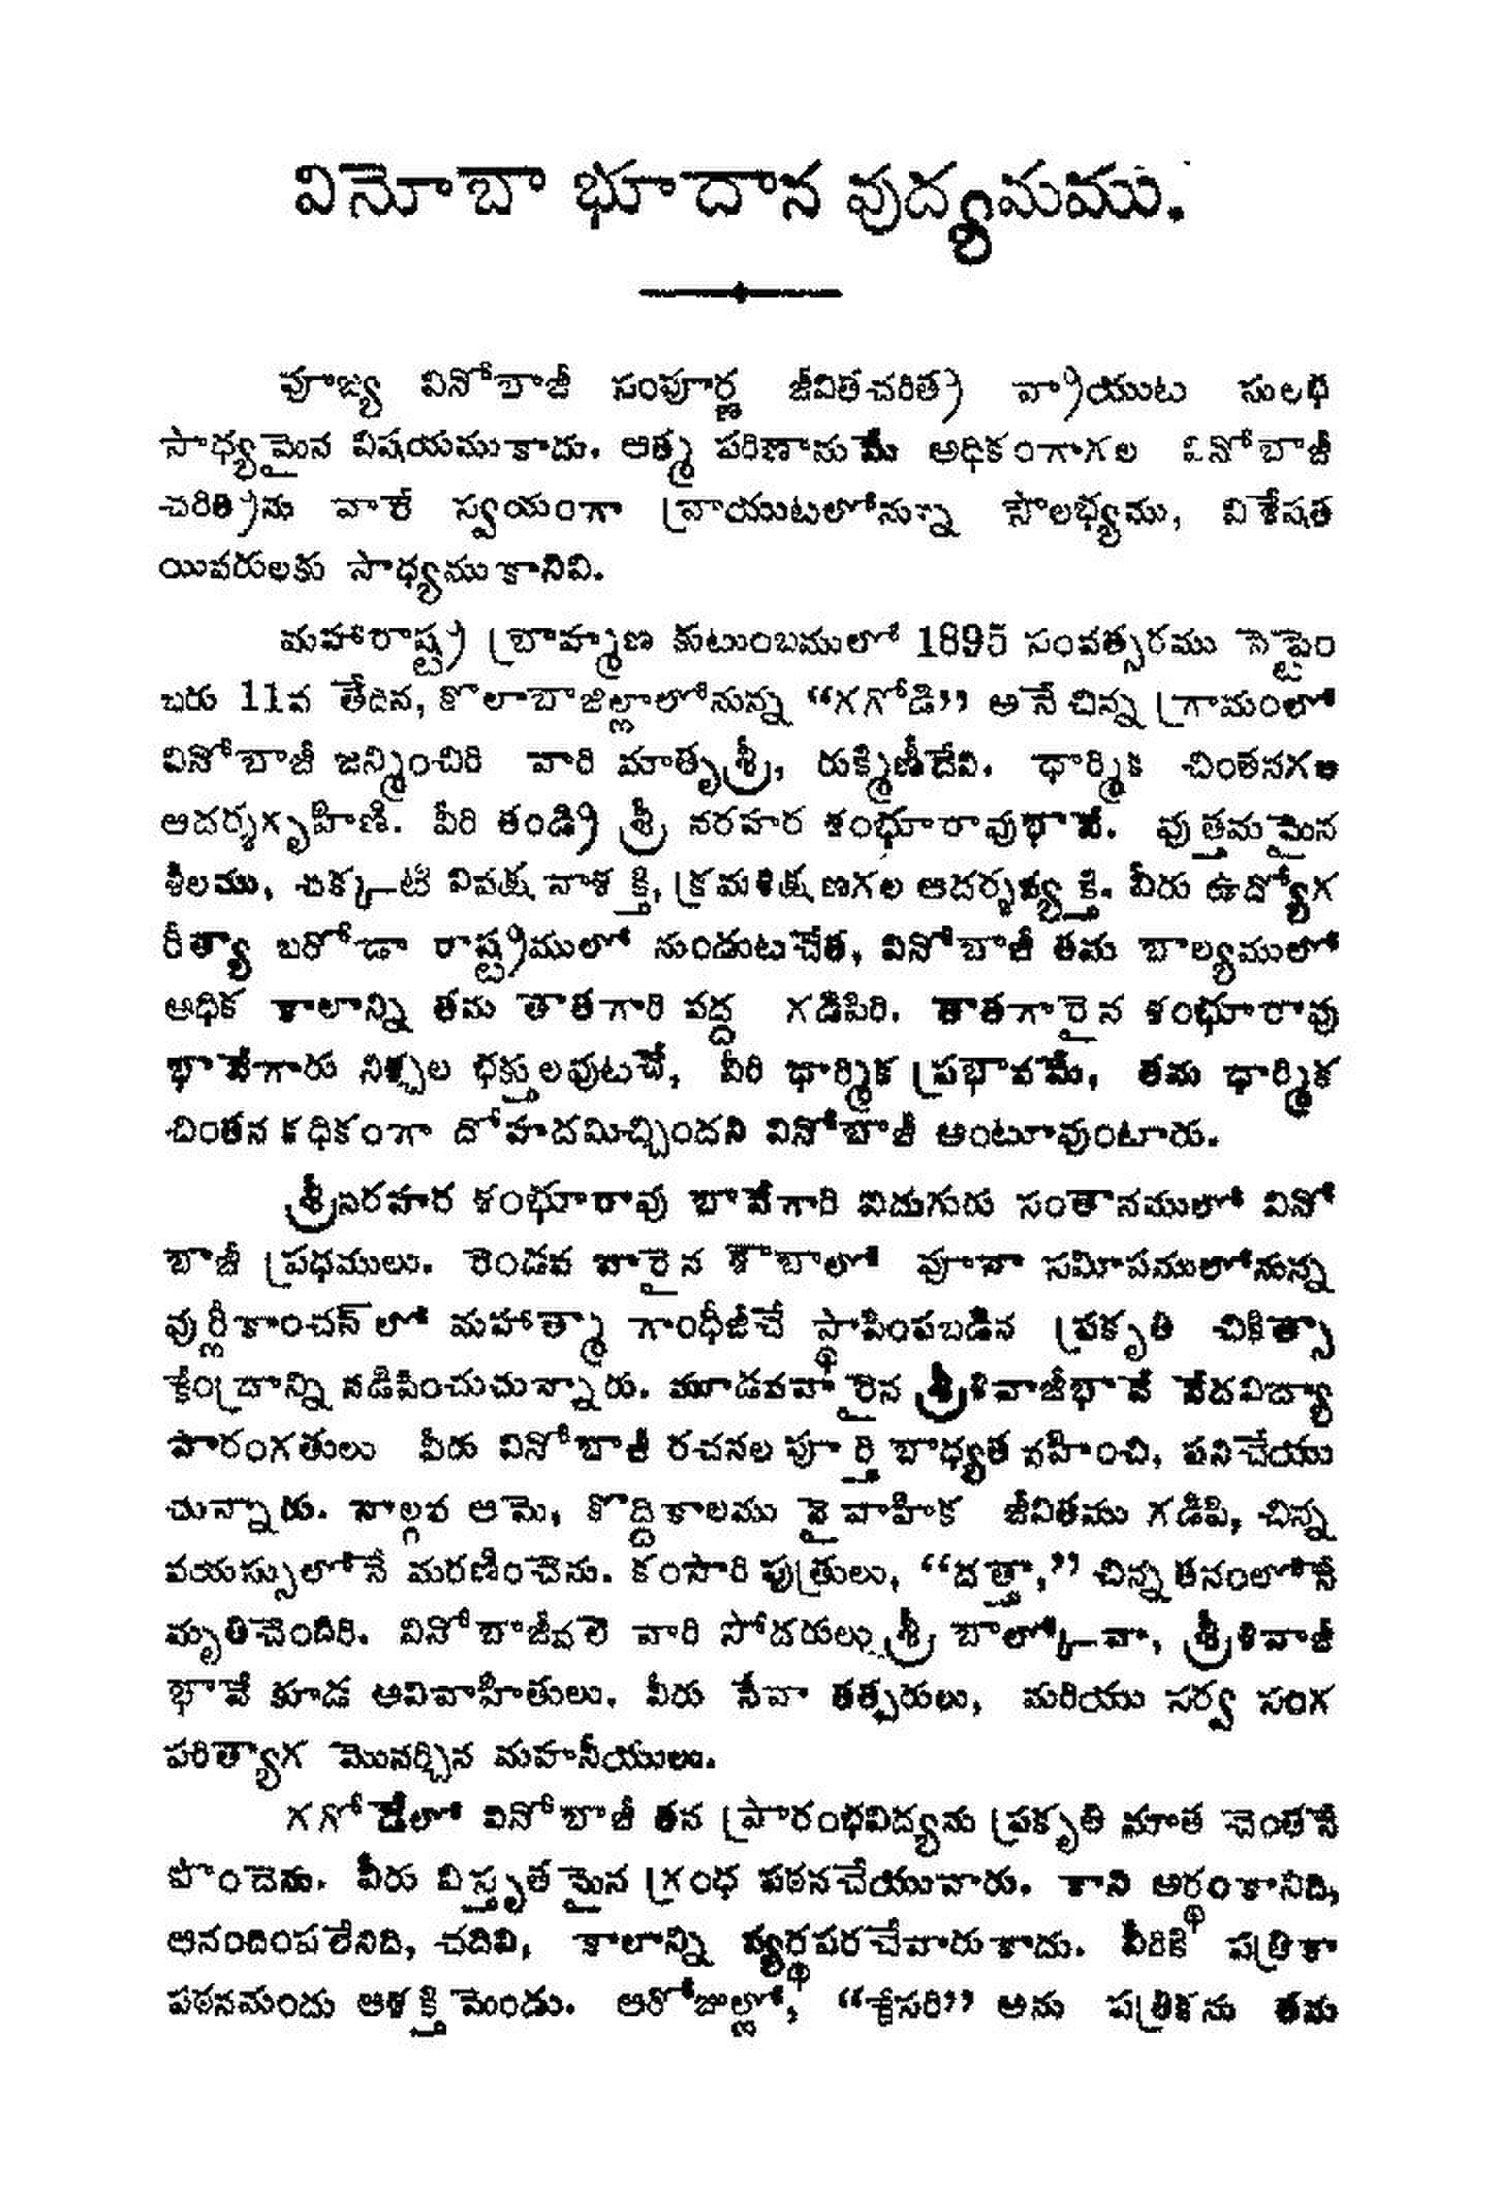వినోబా భూదాన వుద్యమము.

పూజ్య వినోబాజీ సంపూర్ణ జీవితచరిత్ర వ్రాయుట సులభసాధ్యమైన విషయముకాదు. ఆత్మ పరిణామమే అధికంగాగల వినోబాజీ చరిత్రను వారే స్వయంగా వ్రాయుటలోనున్న సౌలభ్యము, విశేషత యివరులకు సాధ్యముకానివి.

మహారాష్ట్ర బ్రాహ్మణ కుటుంబములో 1895 సంవత్సరము సెప్టెంబరు 11వ తేదీన, కొలాబాజిల్లాలోనున్న “గగోడి" అనే చిన్న గ్రామంలో వినోబాజీ జన్మించిరి వారి మాతృశ్రీ, రుక్మిణీదేవి. ధార్మిక చింతనగల ఆదర్శగృహిణి. వీరి తండ్రి శ్రీ నరహర శంభూరావుభావే. వుత్తమమైన శీలము, చక్కటి వివక్షనాశక్తి, క్రమశిక్షణగల ఆదర్శవ్యక్తి. వీరు ఉద్యోగరీత్యా బరోడా రాష్ట్రములో నుండుటచేత వినోబాజీ తమ బాల్యములో ఆధిక కాలాన్ని తమ తాతగారి వద్ద గడిపిరి. తాతగారైన శంభూరావు భావేగారు నిశ్చల భక్తులవుటచే, వీరి ధార్మిక ప్రభావమే, తమ ధార్మిక చింతన కధికంగా దోహదమిచ్చిందని వినోబాజీ అంటూవుంటారు.

శ్రీనరహర శంభూరావు బావేగారి ఐదుగురు సంతానములో వినోబాజీ ప్రధములు. రెండవ వారైన శౌబాలో పూనా సమీపములోనున్న వుర్లీకాంచన్‌లో మహాత్మా గాంధీజీచే స్థాపింపబడిన ప్రకృతి చికిత్సా కేంద్రాన్ని నడిపించుచున్నారు. మూడవవారైన శ్రీశివాజీభావే వేదవిద్యా పారంగతులు. వీరు వినోబాజీ రచనల పూర్తి బాధ్యత వహించి, పనిచేయుచున్నారు. నాల్గవ ఆమె, కొద్దికాలము వైవాహిక జీవితము గడిపి, చిన్న వయస్సులోనే మరణించెను. కంసారి పుత్రులు, "దత్తా,” చిన్నతనంలోనే మృతిచెందిరి. వినోబాజీవలె వారి సోదరులు శ్రీ బాల్కోవా, శ్రీశివాజీభావే కూడ ఆవివాహితులు, వీరు సేవా తత్పరులు, మరియు సర్వ సంగ పరిత్యాగ మొనర్చిన మహనీయులు.

గగోడేలో వినోబాజీ తన ప్రారంభవిద్యను ప్రకృతి మాత చెంతనే పొందెను. వీరు విస్తృతమైన గ్రంధ పఠనచేయువారు. కాని అర్థంకానిది, ఆనందింపలేనిది, చదివి, కాలాన్ని వ్యర్థపరచేవారుకాదు. వీరికి పత్రికా పఠనమందు ఆశక్తిమెండు. ఆరోజుల్లో, "కేసరి" అను పత్రికను తను